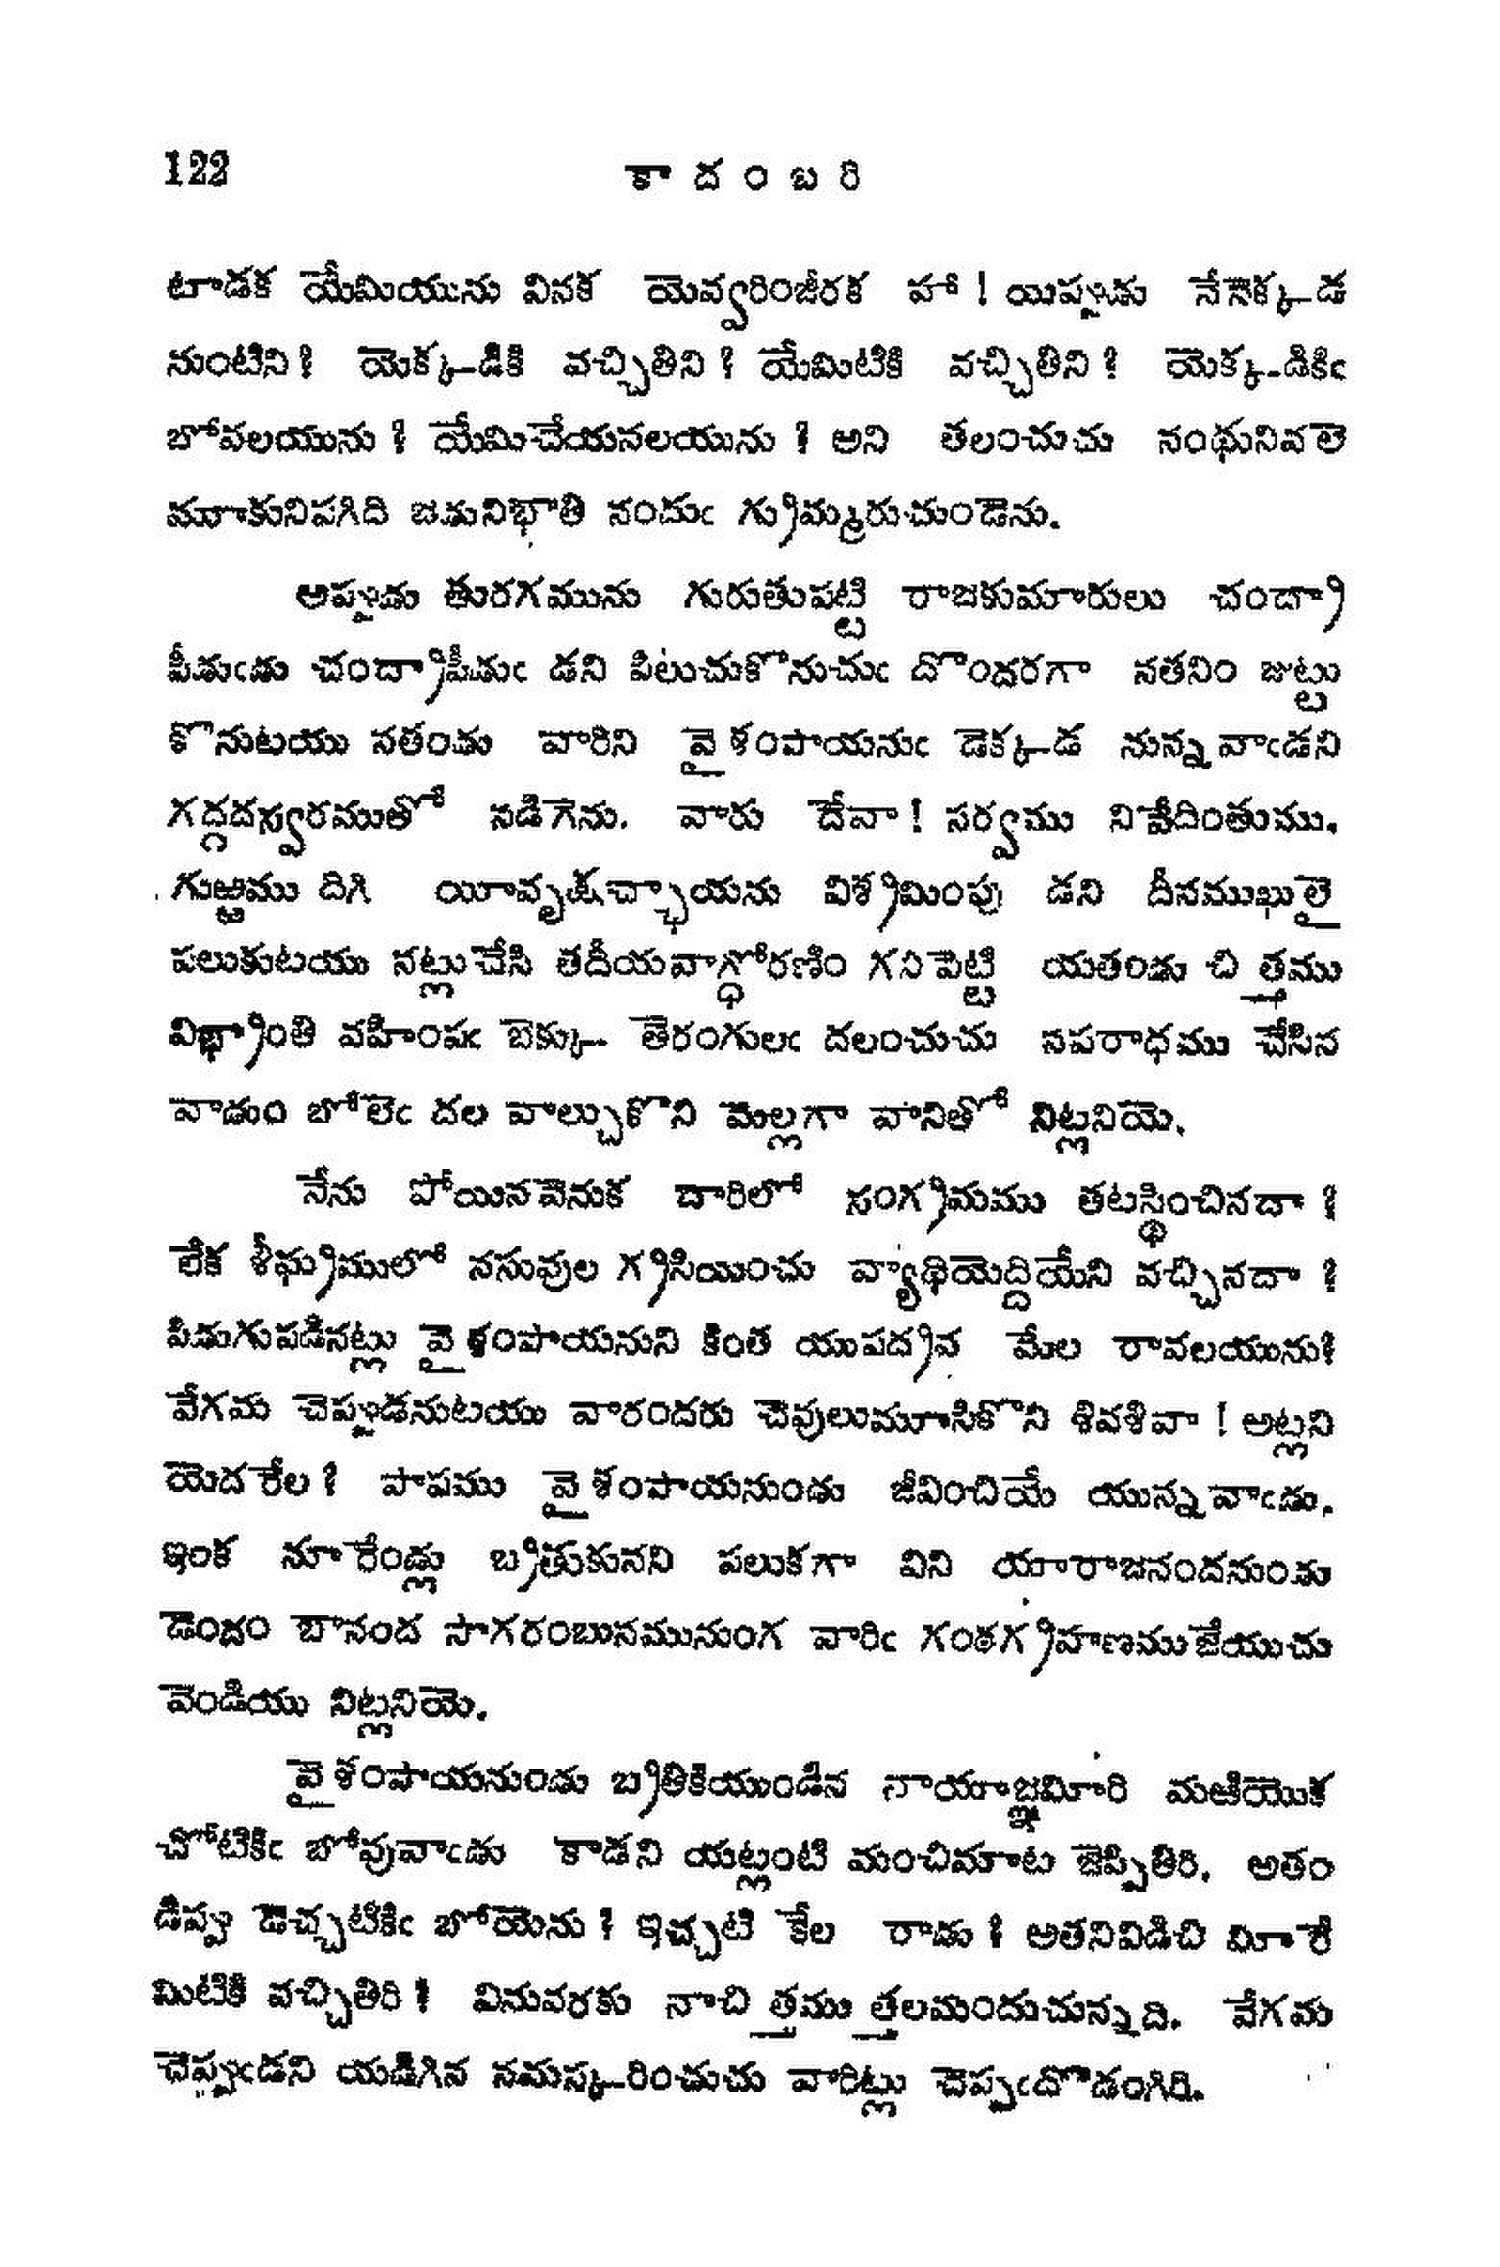టాడక యేమియును వినక యెవ్వరింజీరక హా! యిప్పుడు నేనెక్కడ నుంటిని? యెక్కడికి వచ్చితిని? యేమిటికి వచ్చితిని? యెక్కడికిఁ బోవలయును? యేమిచేయవలయును? అని తలంచుచు నంథునివలె మూకునిపగిది జడునుభాతి నందుఁ గ్రుమ్మరుచుండెను.

అప్పుడు తురగమును గురుతుపట్టి రాజకుమారులు చంద్రాపీడుఁడు చంద్రాపీడుఁ డని పిలుచుకొనుచుఁ దొందరగా నతనిం జుట్టు కొనుటయు నతండు వారిని వైశంపాయనుఁ డెక్కడ నున్నవాఁడని గద్గదస్వరముతో నడిగెను. వారు దేవా! సర్వము నివేదింతుము. గుఱ్ఱము దిగి యీవృక్షచ్ఛాయను విశ్రమింపు డని దీనముఖులై పలుకుటయు నట్లుచేసి తదీయవాగ్ధోరణిం గనిపెట్టి యతండు చిత్తము విభ్రాంతి వహింపఁ బెక్కు తెరంగులఁ దలంచుచు నపరాధము చేసిన వాడుం బోలెఁ దల వాల్చుకొని మెల్లగా వానితో నిట్లనియె.

నేను పోయినవెనుక దారిలో సంగ్రమము తటస్థించినదా? లేక శీఘ్రములో నసువుల గ్రసియించు వ్యాథియెద్దియేని వచ్చినదా? పిడుగుపడినట్లు వైశంపాయనుని కింత యుపద్రవ మేల రావలయును? వేగమ చెప్పుడనుటయు వారందరు చెవులుమూసికొని శివశివా! అట్లనియెదరేల? పాపము వైశంపాయనుండు జీవించియే యున్నవాఁడు. ఇఁక నూరేండ్లు బ్రతుకునని పలుకగా విని యారాజనందనుండు డెందం బానంద సాగరంబునమునుంగ వారిఁ గంఠగ్రహణముజేయుచు వెండియు నిట్లనియె.

వైశంపాయనుండు బ్రతికియుండిన నాయాజ్ఞమీరి మఱియొక చోటికిఁ బోవువాఁడు కాడని యట్లంటి మంచిమాట జెప్పితిరి. అతం డిప్పు డెచ్చటికిఁ బోయెను? ఇచ్చటి కేల రాడు? అతనివిడిచి మీరేమిటికి వచ్చితిరి? వినువరకు నాచిత్తముత్తలమందుచున్నది. వేగమ చెప్పుఁడని యడిగిన నమస్కరించుచు వారిట్లు చెప్పఁదొడంగిరి.